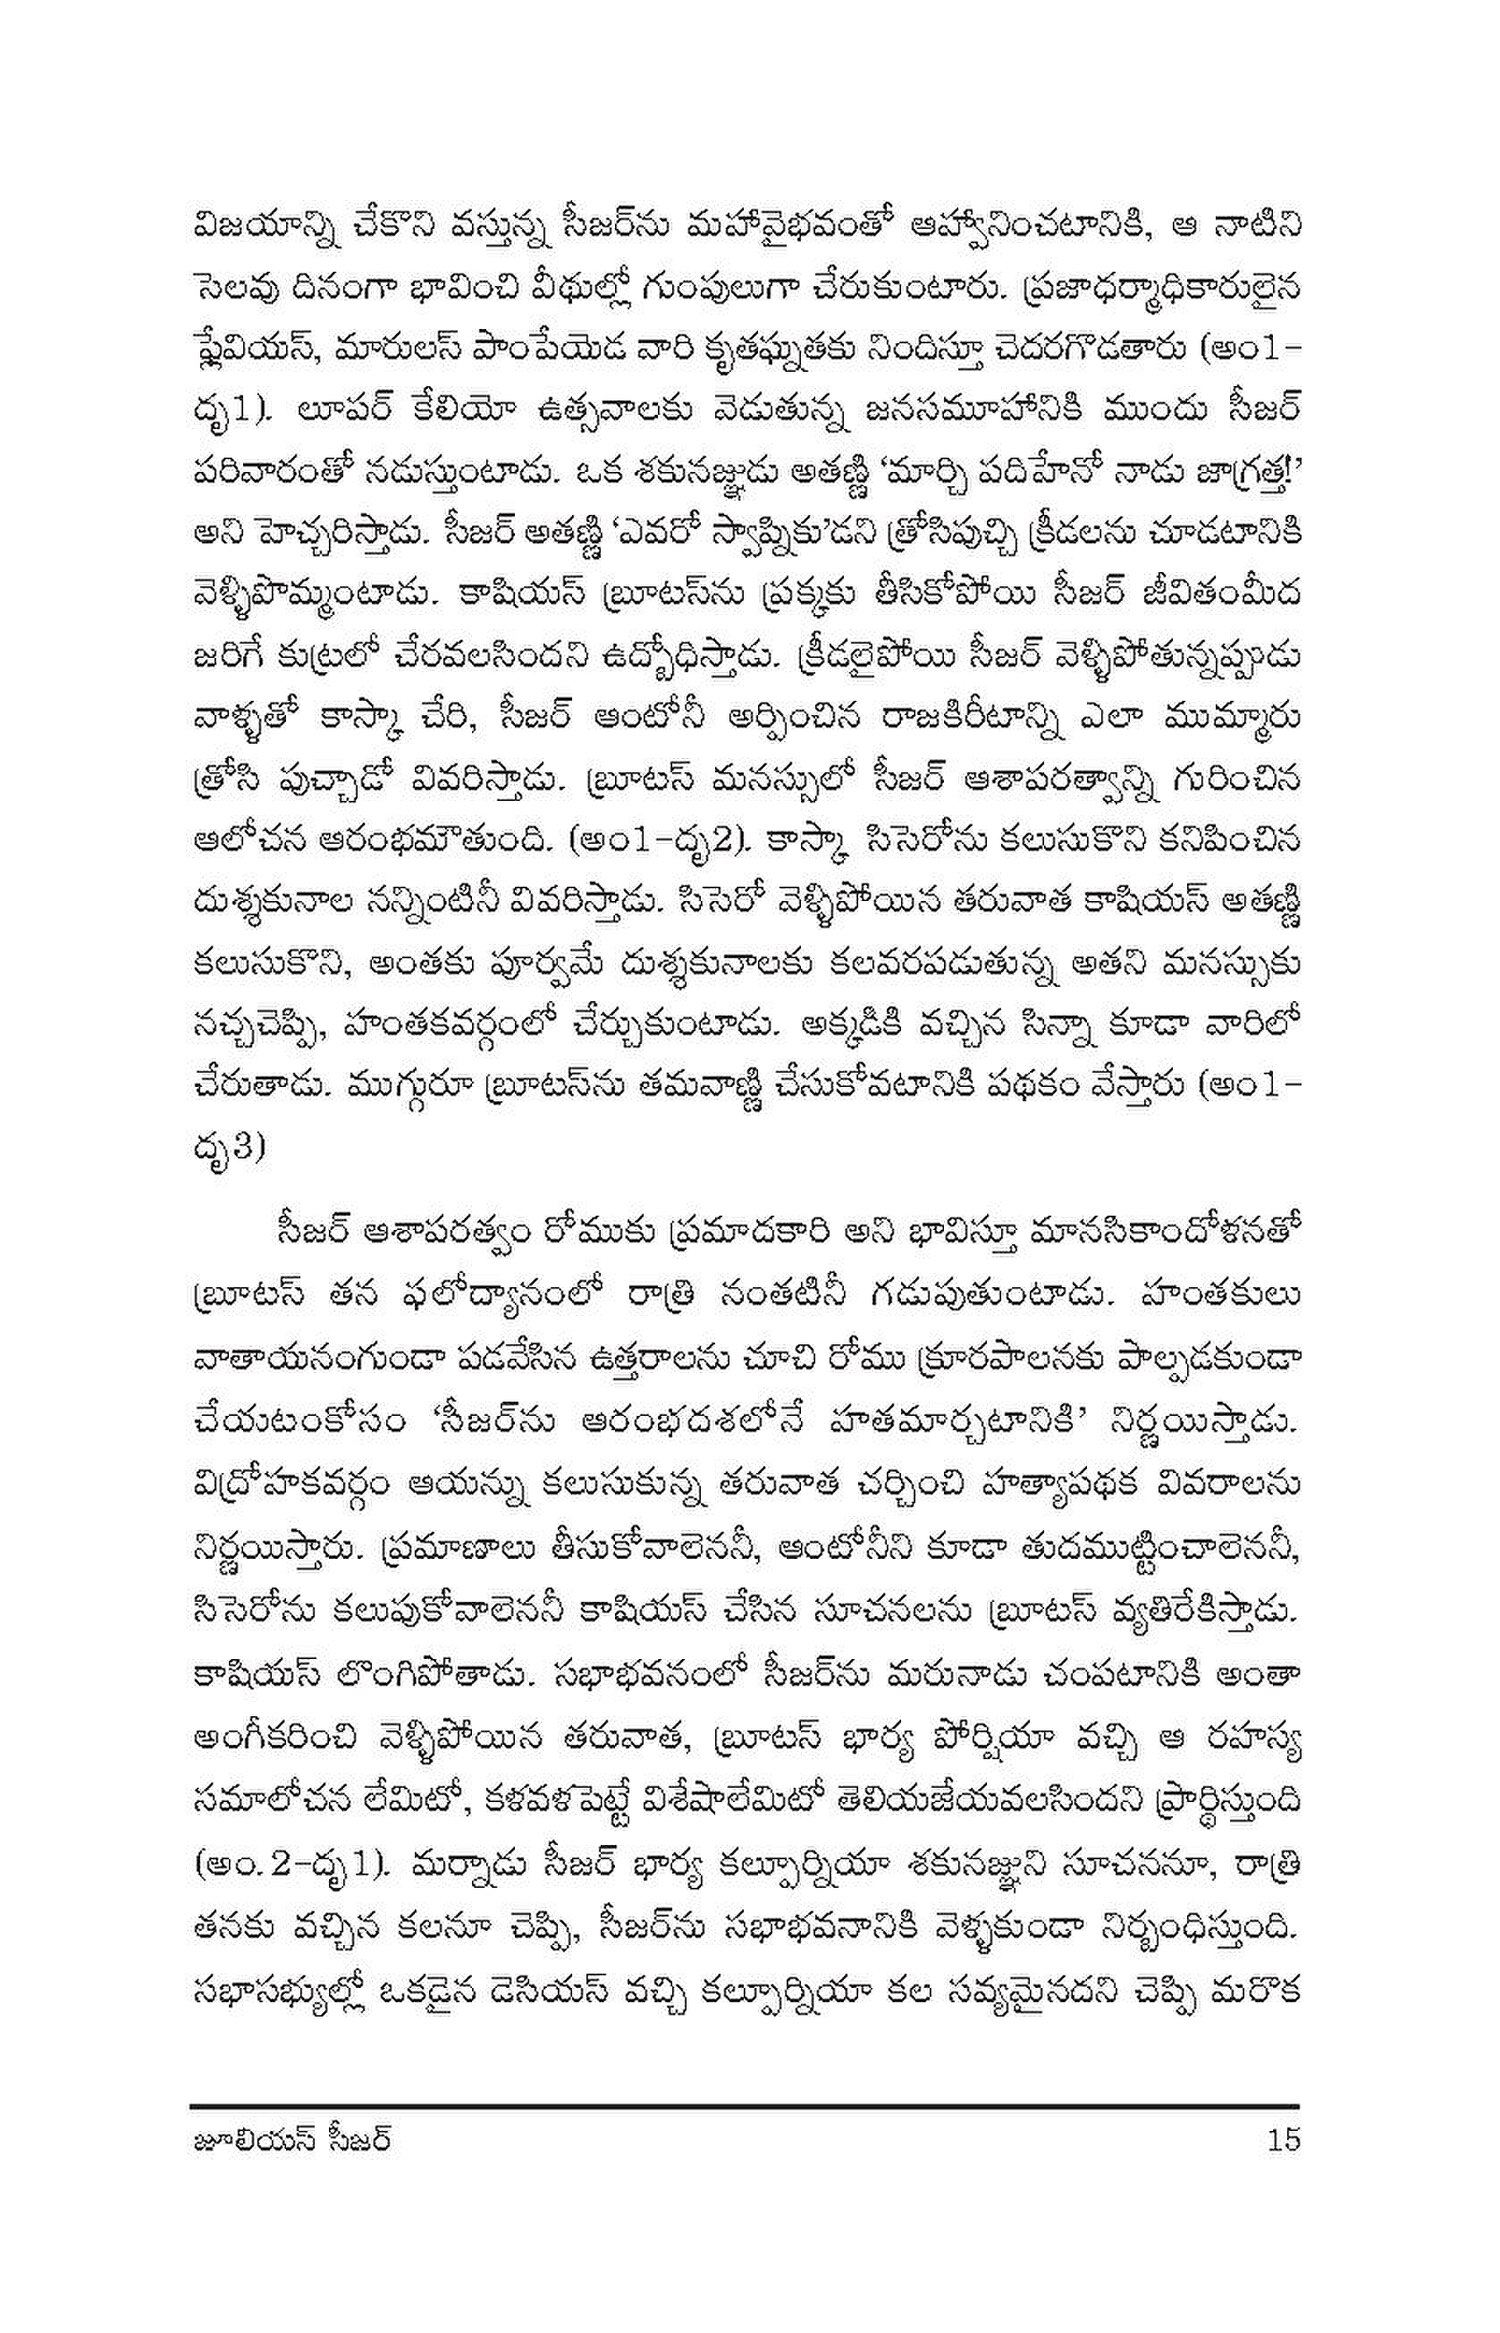విజయాన్ని చేకొని వస్తున్న సీజర్ను మహావైభవంతో ఆహ్వానించటానికి, ఆ నాటిని సెలవు దినంగా భావించి వీథుల్లో గుంపులుగా చేరుకుంటారు. ప్రజాధర్మాధికారులైన స్లేవియస్, మారులస్ పాంపేయెడ వారి కృతఘ్నతకు నిందిస్తూ చెదరగొడతారు (అం1-దృ1). లూపర్ కేలియో ఉత్సవాలకు వెడుతున్న జనసమూహానికి ముందు సీజర్ పరివారంతో నడుస్తుంటాడు. ఒక శకునజ్ఞుడు అతణ్ణి 'మార్చి పదిహేనో నాడు జాగ్రత్త!' అని హెచ్చరిస్తాడు. సీజర్ అతణ్ణి 'ఎవరో స్వాప్నికుడని త్రోసిపుచ్చి క్రీడలను చూడటానికి
వెళ్ళిపొమ్మంటాడు. కాషియస్ బ్రూటస్ ను ప్రక్కకు తీసికోపోయి సీజర్ జీవితంమీద జరిగే కుట్రలో చేరవలసిందని ఉద్బోధిస్తాడు. క్రీడలైపోయి సీజర్ వెళ్ళిపోతున్నప్పుడు వాళ్ళతో కాస్కా చేరి, సీజర్ ఆంటోనీ అర్పించిన రాజకిరీటాన్ని ఎలా ముమ్మారు త్రోసి పుచ్చాడో వివరిస్తాడు. బ్రూటస్ మనస్సులో సీజర్ ఆశాపరత్వాన్ని గురించిన ఆలోచన ఆరంభమౌతుంది. (అం1-దృ2). కాస్కా సిసెరోను కలుసుకొని కనిపించిన దుశ్శకునాల నన్నింటినీ వివరిస్తాడు. సిసెరో వెళ్ళిపోయిన తరువాత కాషియస్ అతణ్ణి
కలుసుకొని, అంతకు పూర్వమే దుశ్శకునాలకు కలవరపడుతున్న అతని మనస్సుకు నచ్చచెప్పి, హంతకవర్గంలో చేర్చుకుంటాడు. అక్కడికి వచ్చిన సిన్నా కూడా వారిలో చేరుతాడు. ముగ్గురూ బ్రూటస్ ను తమవాణ్ణి చేసుకోవటానికి పథకం వేస్తారు (అం 1 - దృ3)

సీజర్ ఆశాపరత్వం రోముకు ప్రమాదకారి అని భావిస్తూ మానసికాందోళనతో
బ్రూటస్ తన ఫలోద్యానంలో రాత్రి నంతటినీ గడుపుతుంటాడు. హంతకులు
వాతాయనంగుండా పడవేసిన ఉత్తరాలను చూచి రోము క్రూరపాలనకు పాల్పడకుండా చేయటంకోసం 'సీజర్ ను ఆరంభదశలోనే హతమార్చటానికి' నిర్ణయిస్తాడు. విద్రోహకవర్గం ఆయన్ను కలుసుకున్న తరువాత చర్చించి హత్యాపథక వివరాలను నిర్ణయిస్తారు. ప్రమాణాలు తీసుకోవాలెననీ, ఆంటోనీని కూడా తుదముట్టించాలెననీ, సిసెరోను కలుపుకోవాలెననీ కాషియస్ చేసిన సూచనలను బ్రూటస్ వ్యతిరేకిస్తాడు. కాషియస్ లొంగిపోతాడు. సభాభవనంలో సీజర్ ను మరునాడు చంపటానికి అంతా
అంగీకరించి వెళ్ళిపోయిన తరువాత, బ్రూటస్ భార్య పోర్షియా వచ్చి ఆ రహస్య సమాలోచన లేమిటో, కళవళపెట్టే విశేషాలేమిటో తెలియజేయవలసిందని ప్రార్థిస్తుంది (అం.2-దృ1). మర్నాడు సీజర్ భార్య కల్పూర్నియా శకునజ్ఞుని సూచననూ, రాత్రి
తనకు వచ్చిన కలనూ చెప్పి, సీజర్ ను సభాభవనానికి వెళ్ళకుండా నిర్బంధిస్తుంది. సభాసభ్యుల్లో ఒకడైన డెసియస్ వచ్చి కల్పూర్నియా కల సవ్యమైనదని చెప్పి మరొక